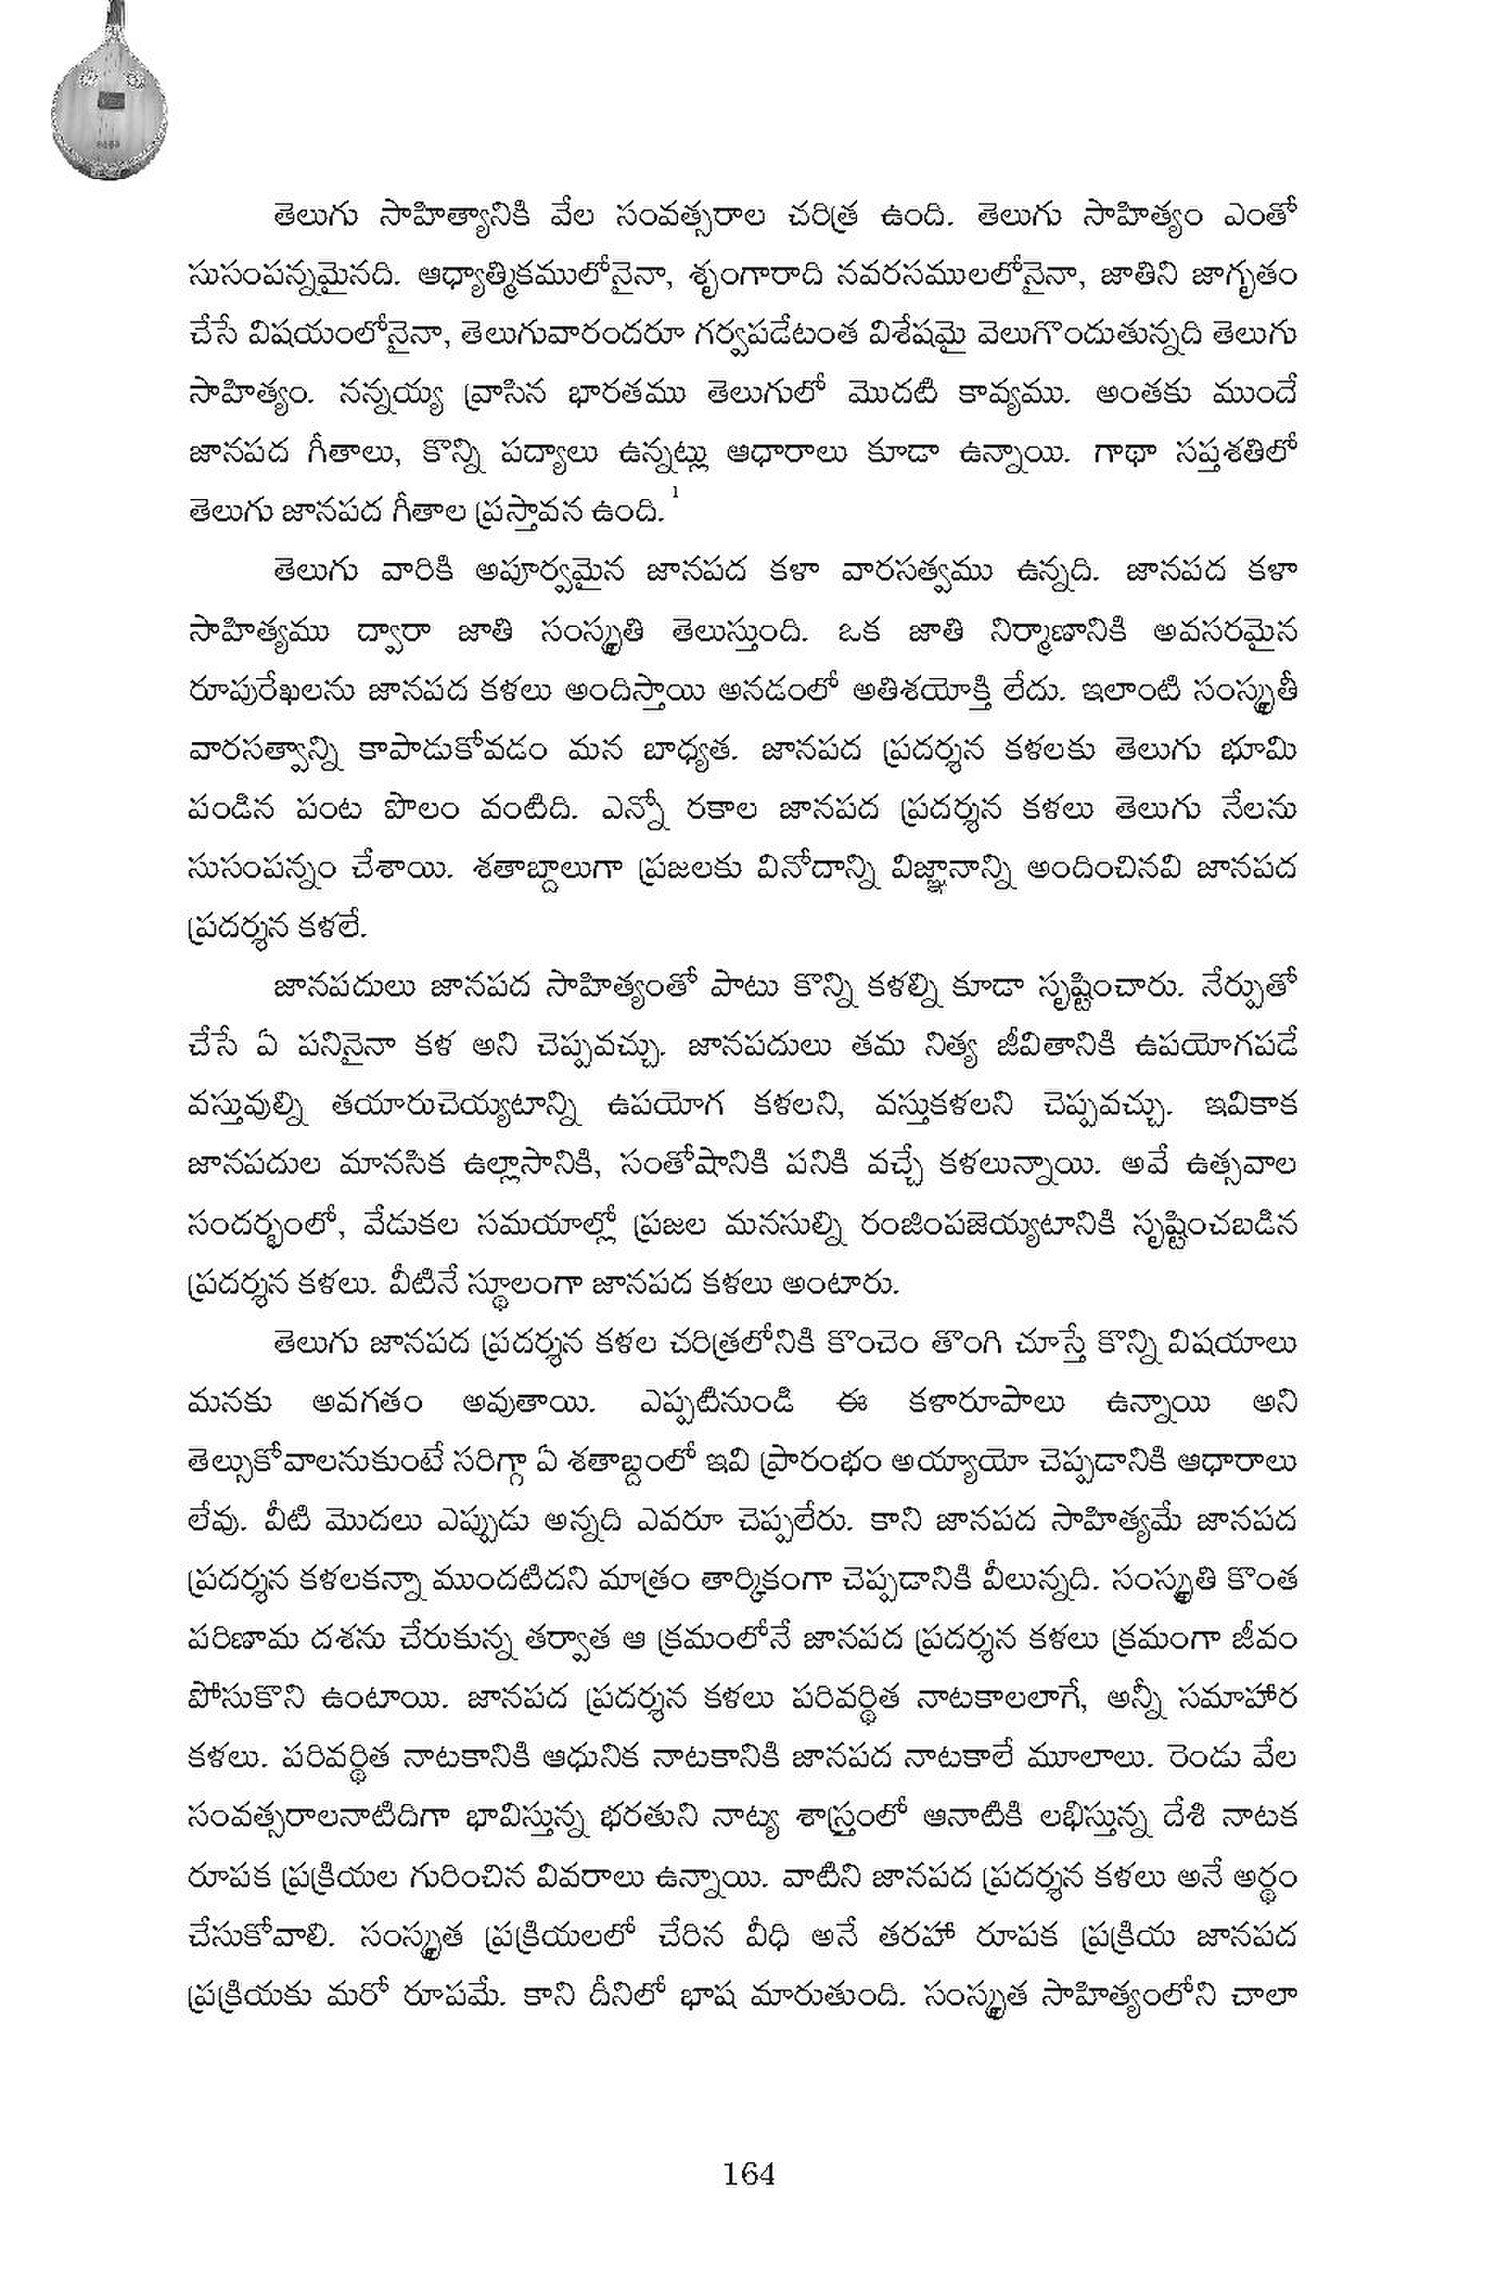తెలుగు సాహిత్యానికి వేల సంవత్సరాల చరిత్ర ఉంది. తెలుగు సాహిత్యం ఎంతో సుసంపన్నమైనది. ఆధ్యాత్మికములోనైనా, శృంగారాది నవరసములలోనైనా, జాతిని జాగృతం చేసే విషయంలోనైనా, తెలుగువారందరూ గర్వపడేటంత విశేషమై వెలుగొందుతున్నది తెలుగు సాహిత్యం. నన్నయ్య వ్రాసిన భారతము తెలుగులో మొదటి కావ్యము. అంతకు ముందే
జానపద గీతాలు, కొన్ని పద్యాలు ఉన్నట్లు ఆధారాలు కూడా ఉన్నాయి. గాథా సప్తశతిలో తెలుగు జానపద గీతాల ప్రస్తావన ఉంది.1

తెలుగు వారికి అపూర్వమైన జానపద కళా వారసత్వము ఉన్నది. జానపద కళా సాహిత్యము ద్వారా జాతి సంస్కృతి తెలుస్తుంది. ఒక జాతి నిర్మాణానికి అవసరమైన రూపురేఖలను జానపద కళలు అందిస్తాయి అనడంలో అతిశయోక్తి లేదు. ఇలాంటి సంస్కృతీ వారసత్వాన్ని కాపాడుకోవడం మన బాధ్యత. జానపద ప్రదర్శన కళలకు తెలుగు భూమి పండిన పంట పొలం వంటిది. ఎన్నో రకాల జానపద ప్రదర్శన కళలు తెలుగు నేలను సుసంపన్నం చేశాయి. శతాబ్దాలుగా ప్రజలకు వినోదాన్ని విజ్ఞానాన్ని అందించినవి జానపద ప్రదర్శన కళలే.

జానపదులు జానపద సాహిత్యంతో పాటు కొన్ని కళల్ని కూడా సృష్టించారు. నేర్పుతో చేసే ఏ పనినైనా కళ అని చెప్పవచ్చు. జానపదులు తమ నిత్య జీవితానికి ఉపయోగపడే వస్తువుల్ని తయారుచెయ్యటాన్ని ఉపయోగ కళలని, వస్తుకళలని చెప్పవచ్చు. ఇవికాక జానపదుల మానసిక ఉల్లాసానికి, సంతోషానికి పనికి వచ్చే కళలున్నాయి. అవే ఉత్సవాల
సందర్భంలో, వేడుకల సమయాల్లో ప్రజల మనసుల్ని రంజింపజెయ్యటానికి సృష్టించబడిన ప్రదర్శన కళలు. వీటినే స్థూలంగా జానపద కళలు అంటారు.

తెలుగు జానపద ప్రదర్శన కళల చరిత్రలోనికి కొంచెం తొంగి చూస్తే కొన్ని విషయాలు మనకు అవగతం అవుతాయి. ఎప్పటినుండి ఈ కళారూపాలు ఉన్నాయి అని తెల్సుకోవాలనుకుంటే సరిగ్గా ఏ శతాబ్దంలో ఇవి ప్రారంభం అయ్యాయో చెప్పడానికి ఆధారాలు లేవు. వీటి మొదలు ఎప్పుడు అన్నది ఎవరూ చెప్పలేరు. కాని జానపద సాహిత్యమే జానపద
ప్రదర్శన కళలకన్నా ముందటిదని మాత్రం తార్కికంగా చెప్పడానికి వీలున్నది. సంస్కృతి కొంత పరిణామ దశను చేరుకున్న తర్వాత ఆ క్రమంలోనే జానపద ప్రదర్శన కళలు క్రమంగా జీవం పోసుకొని ఉంటాయి. జానపద ప్రదర్శన కళలు పరివర్థిత నాటకాలలాగే, అన్నీ సమాహార కళలు. పరివర్థిత నాటకానికి ఆధునిక నాటకానికి జానపద నాటకాలే మూలాలు. రెండు వేల సంవత్సరాలనాటిదిగా భావిస్తున్న భరతుని నాట్య శాస్త్రంలో ఆనాటికి లభిస్తున్న దేశి నాటక
రూపక ప్రక్రియల గురించిన వివరాలు ఉన్నాయి. వాటిని జానపద ప్రదర్శన కళలు అనే అర్థం చేసుకోవాలి. సంస్కృత ప్రక్రియలలో చేరిన వీధి అనే తరహా రూపక ప్రక్రియ జానపద ప్రక్రియకు మరో రూపమే. కాని దీనిలో భాష మారుతుంది. సంస్కృత సాహిత్యంలోని చాలా